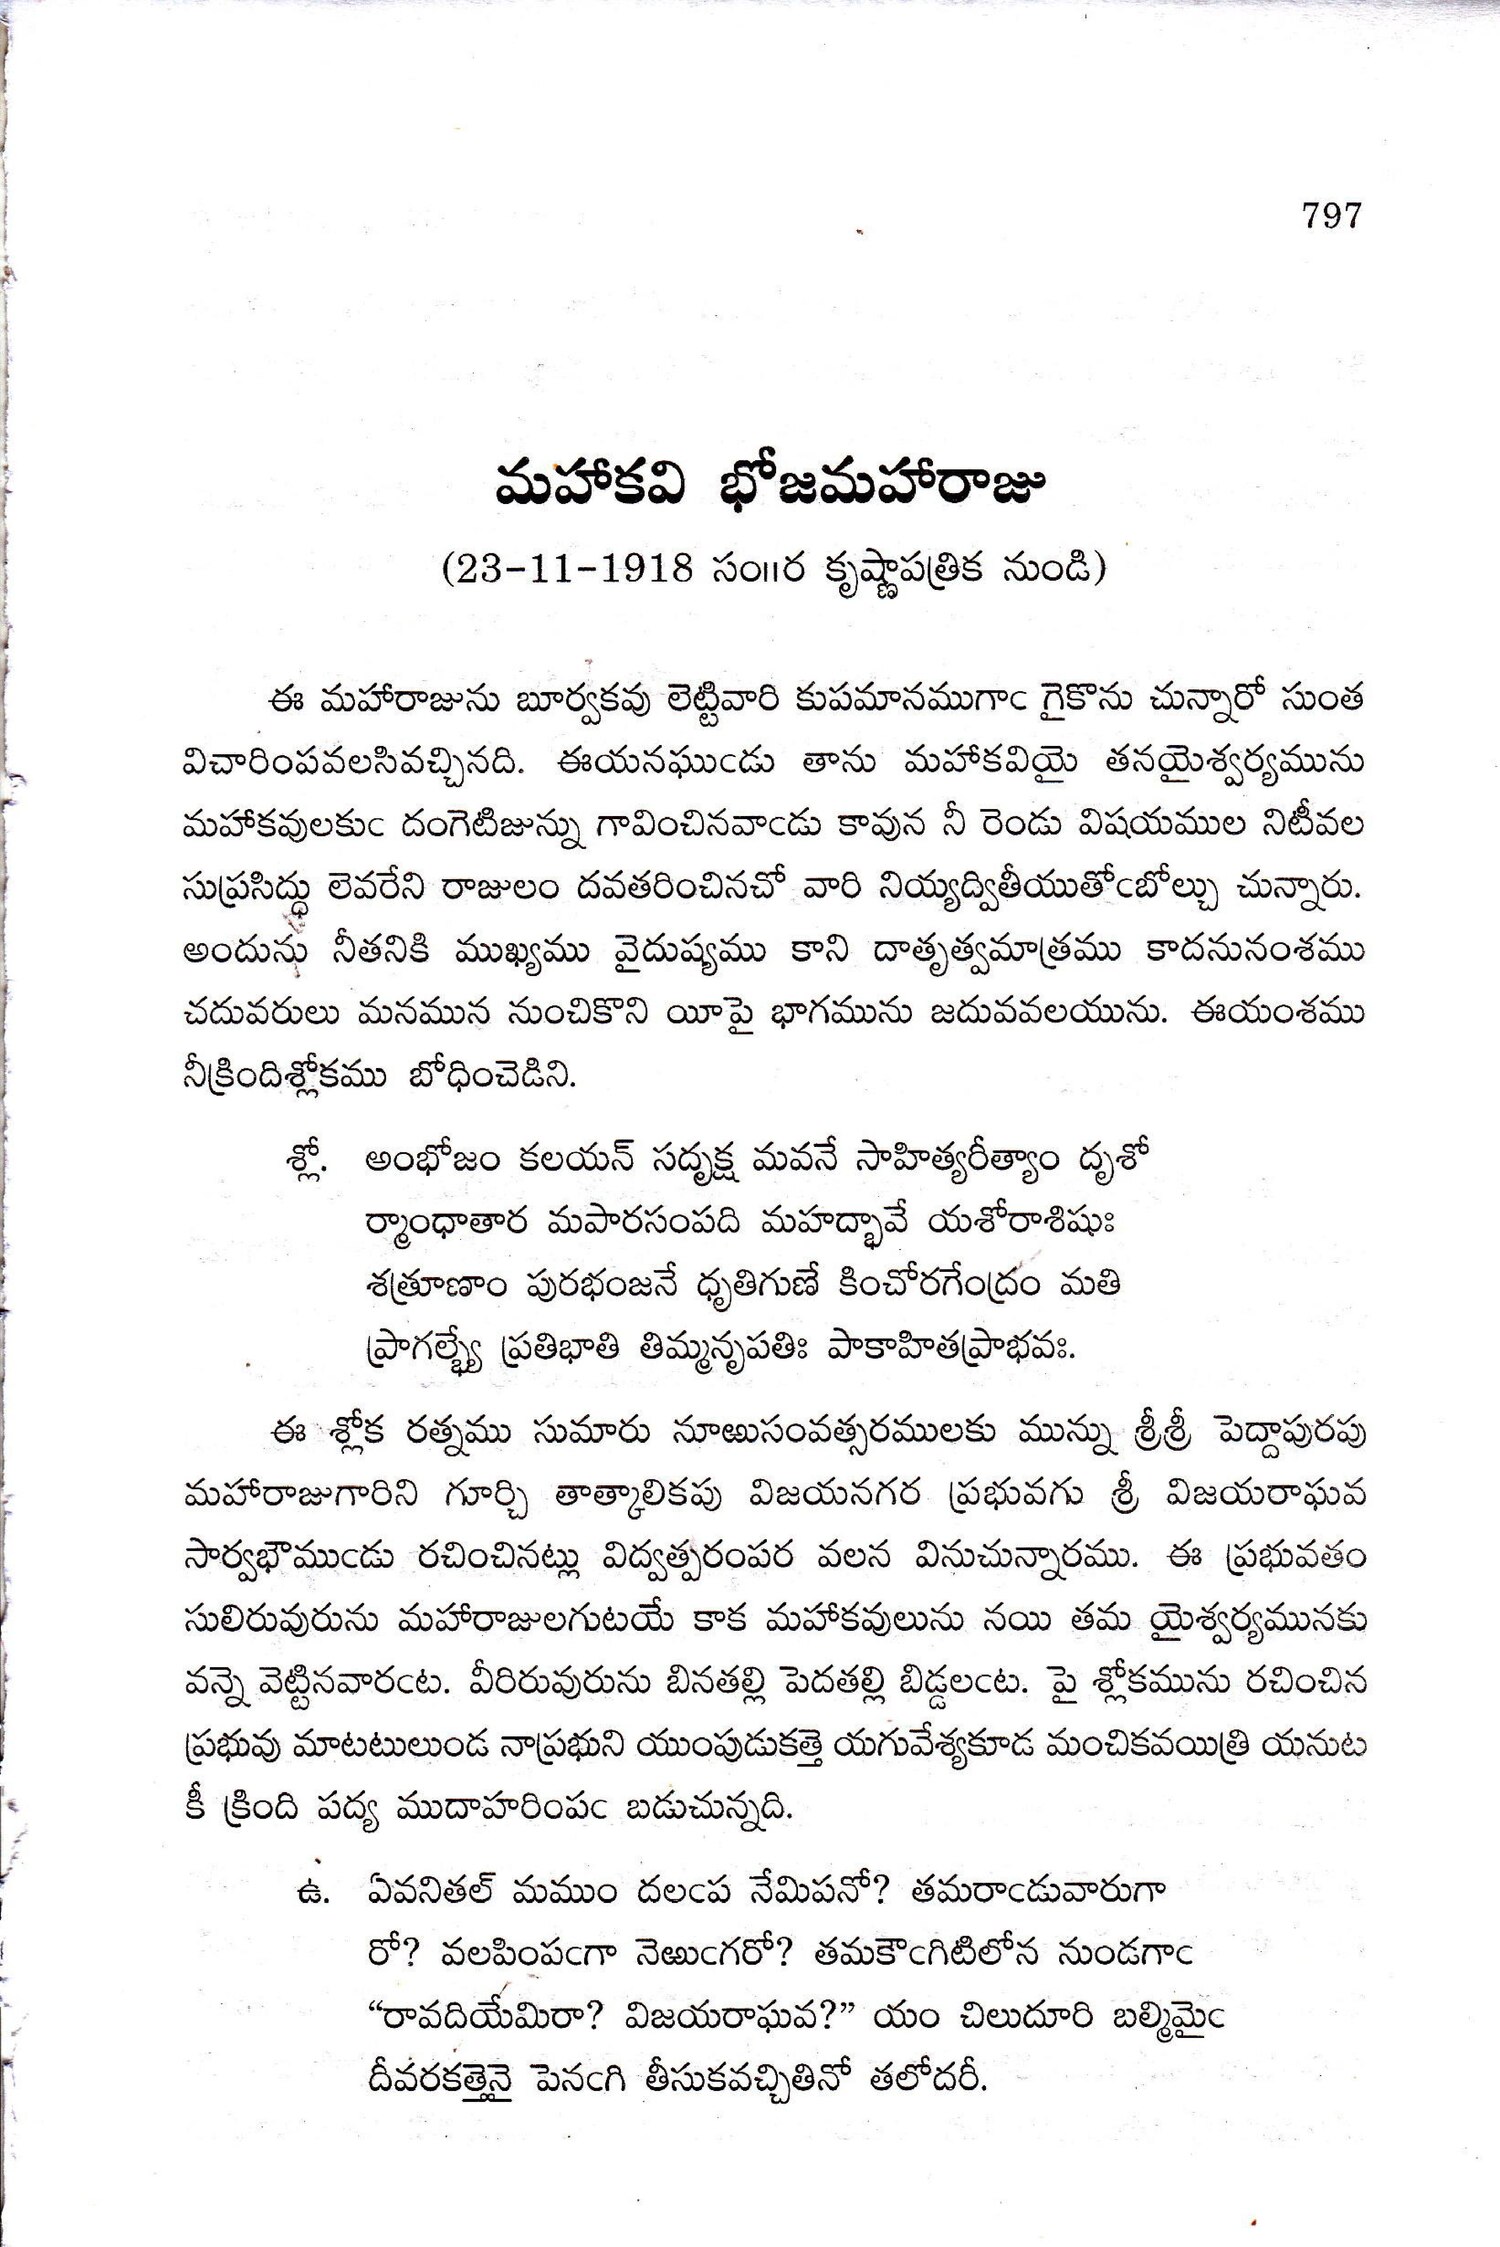మహాకవి భోజమహారాజు
(23-11-1918 సం||ర కృష్ణాపత్రిక నుండి)

ఈ మహారాజును బూర్వకవ లెట్టివారి కుపమానముగాఁ గైకొను చున్నారో సుంత విచారింపవలసివచ్చినది. ఈయనఘుఁడు తాను మహాకవియై తనయైశ్వర్యమును మహాకవులకుఁ దంగెటిజున్ను గావించినవాఁడు కావున నీ రెండు విషయముల నిటీవల సుప్రసిద్దు లెవరేని రాజులం దవతరించినచో వారి నియ్యద్వితీయుతోఁబోల్చు చున్నారు. అందును నీతనికి ముఖ్యము వైదుష్యము కాని దాతృత్వమాత్రము కాదనునంశము చదువరులు మనమున నుంచికొని యీపై భాగమును జదువవలయును. ఈయంశము నీక్రిందిశ్లోకము బోధించెడిని.

శ్లో. అంభోజం కలయన్ సదృక్ష మవనే సాహిత్యరీత్యాం దృశో
 ర్మాంధాతార మపారసంపది మహద్భావే యశోరాశిషుః 
 శత్రూణాం పురభంజనే ధృతిగుణే కించోరగేంద్రం మతి 
 ప్రాగల్భ్యే ప్రతిభాతి తిమ్మనృపతిః పాకాహితప్రాభవః.
ఈ శ్లోక రత్నము సుమారు నూఱుసంవత్సరములకు మున్ను శ్రీశ్రీ పెద్దాపురపు మహారాజుగారిని గూర్చి తాత్కాలికపు విజయనగర ప్రభువగు శ్రీ విజయరాఘవ సార్వభౌముఁడు రచించినట్లు విద్వత్పరంపర వలన వినుచున్నారము. ఈ ప్రభువతం సులిరువురును మహారాజులగుటయే కాక మహాకవులును నయి తమ యైశ్వర్యమునకు వన్నె వెట్టినవారఁట. వీరిరువురును బినతల్లి పెదతల్లి బిడ్డలఁట. పై శ్లోకమును రచించిన ప్రభువు మాటటులుండ నాప్రభుని యుంపుడుకత్తె యగువేశ్యకూడ మంచికవయిత్రి యనుట కీ క్రింది పద్య ముదాహరింపఁ బడుచున్నది.

ఉ. ఏవనితల్ మముం దలఁప నేమిపనో? తమరాఁడువారుగా
 రో? వలపింపఁగా నెఱుఁగరో? తమకౌఁగిటిలోన నుండగాఁ 
 “రావదియేమిరా? విజయరాఘవ?” యం చిలుదూరి బల్మిమైఁ 
 దీవరకత్తెనై పెనఁగి తీసుకవచ్చితినో తలోదరీ.